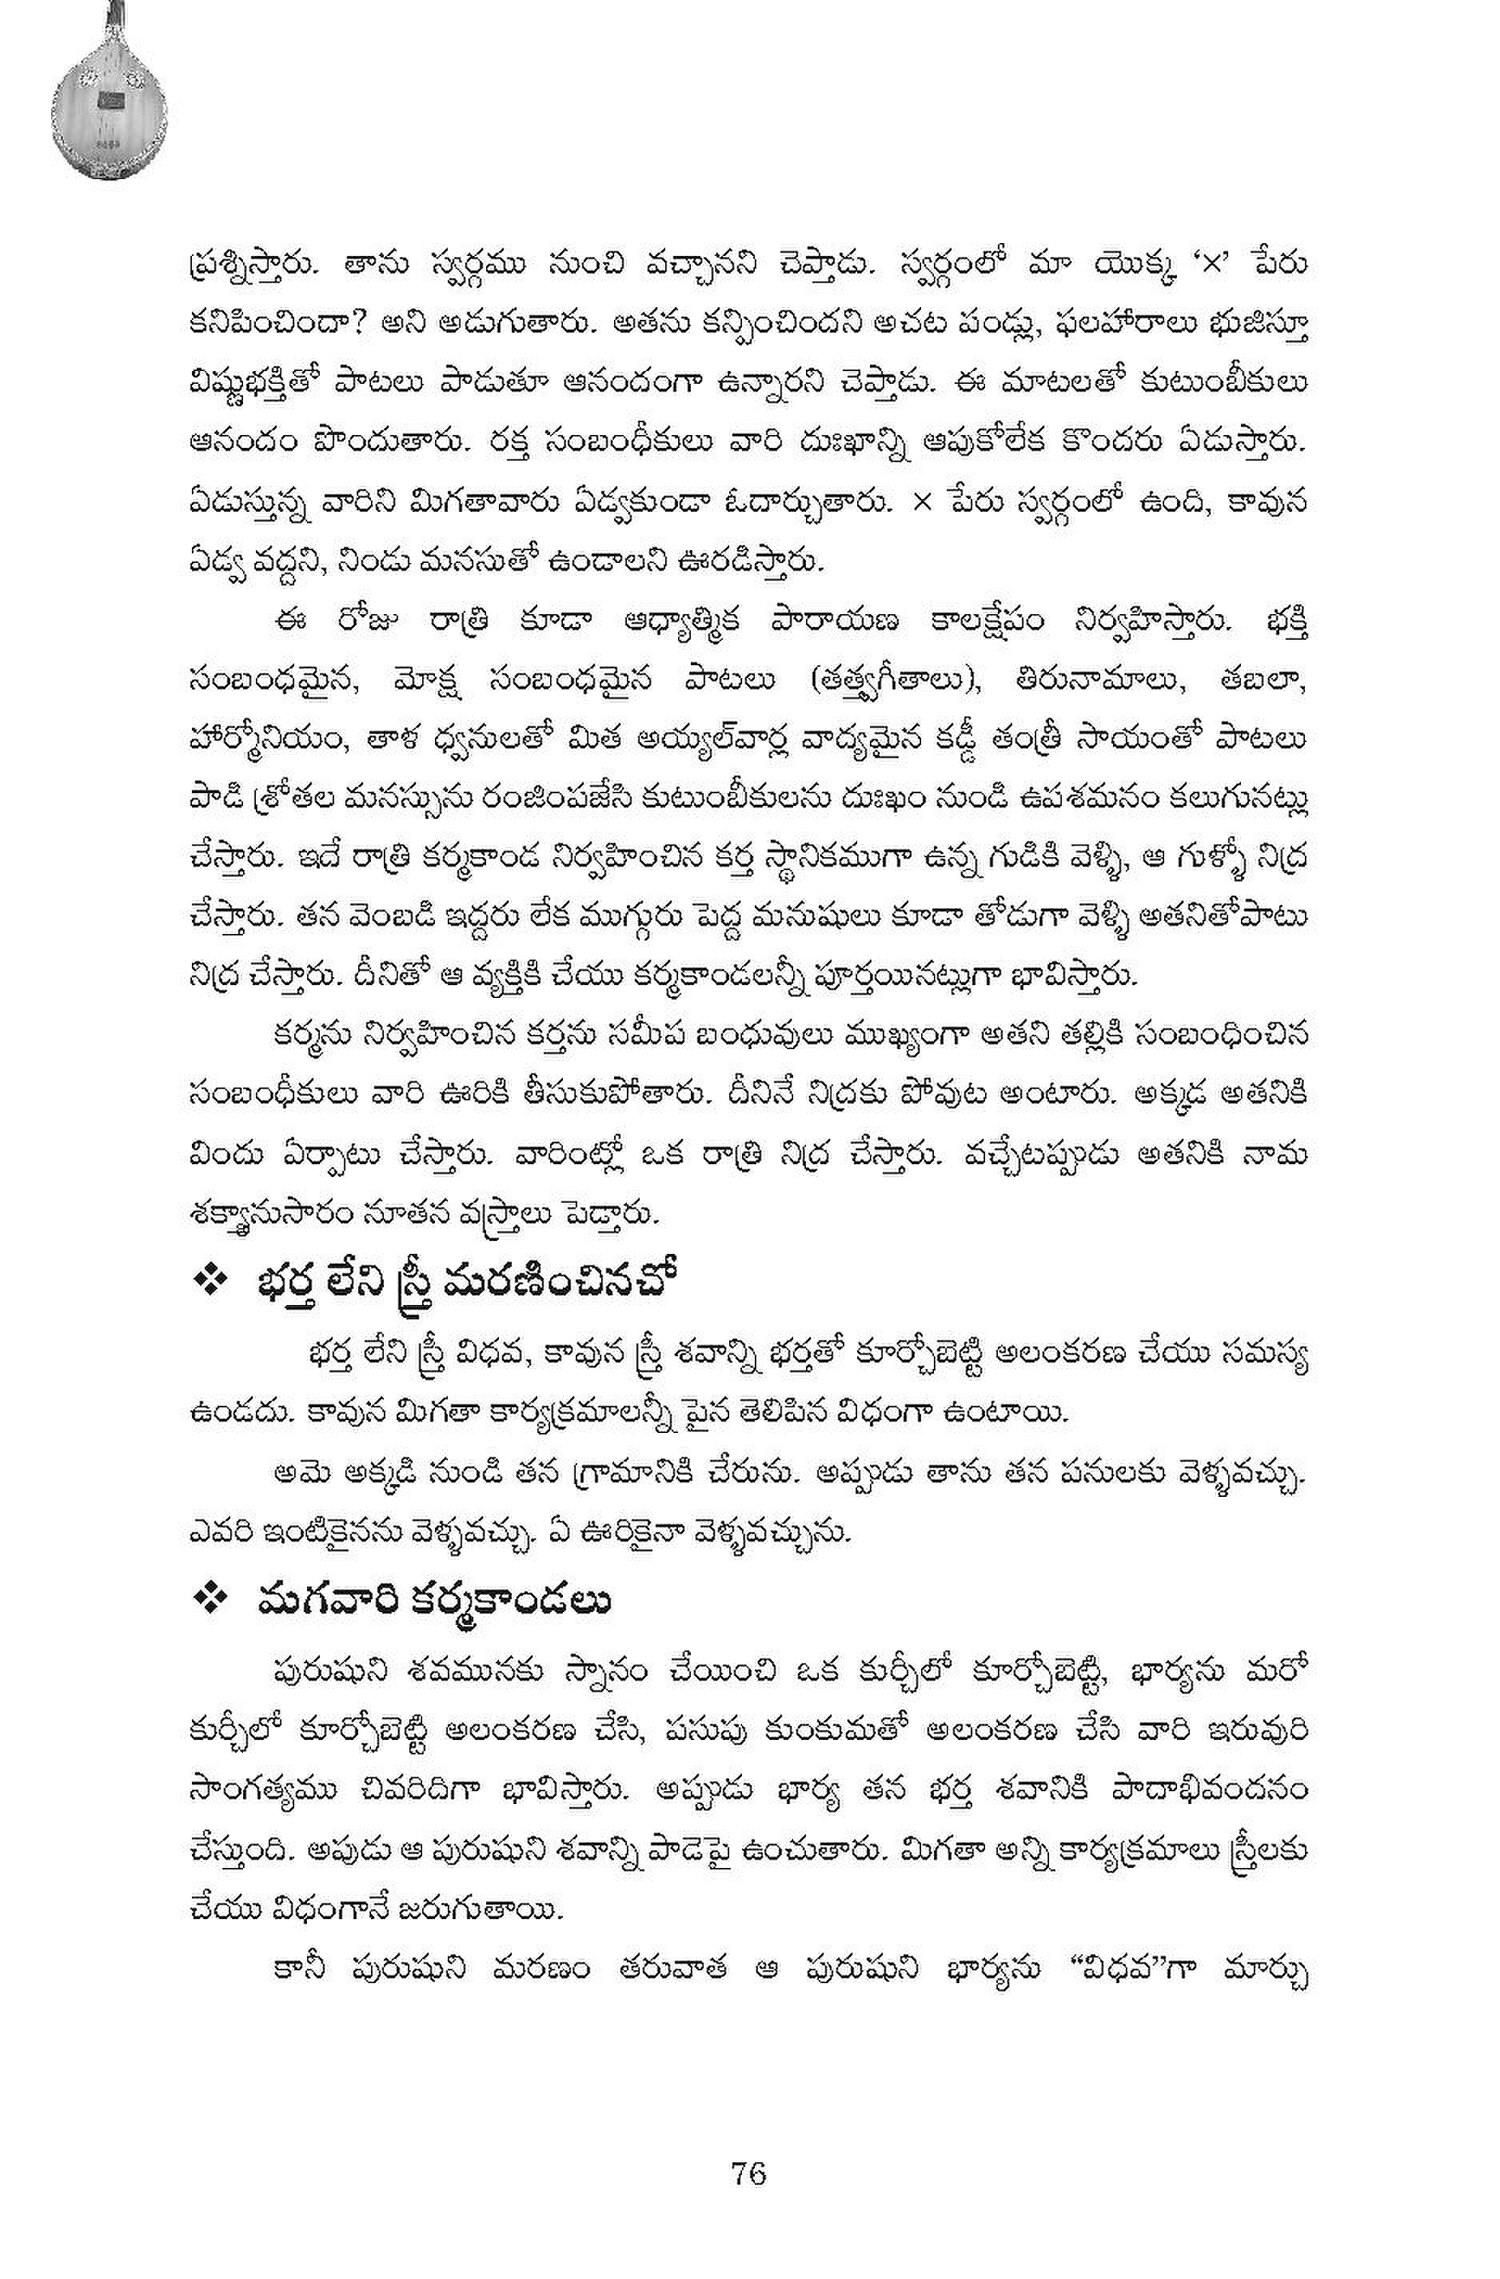ప్రశ్నిస్తారు. తాను స్వర్గము నుంచి వచ్చానని చెప్తాడు. స్వర్గంలో మా యొక్క 'X' పేరు కనిపించిందా? అని అడుగుతారు. అతను కన్పించిందని అచట పండ్లు, ఫలహారాలు భుజిస్తూ విష్ణుభక్తితో పాటలు పాడుతూ ఆనందంగా ఉన్నారని చెప్తాడు. ఈ మాటలతో కుటుంబీకులు ఆనందం పొందుతారు. రక్త సంబంధీకులు వారి దుఃఖాన్ని ఆపుకోలేక కొందరు ఏడుస్తారు.
ఏడుస్తున్న వారిని మిగతావారు ఏడ్వకుండా ఓదార్చుతారు. × పేరు స్వర్గంలో ఉంది, కావున ఏడ్వ వద్దని, నిండు మనసుతో ఉండాలని ఊరడిస్తారు.

ఈ రోజు రాత్రి కూడా ఆధ్యాత్మిక పారాయణ కాలక్షేపం నిర్వహిస్తారు. భక్తి సంబంధమైన, మోక్ష సంబంధమైన పాటలు (తత్త్వగీతాలు), తిరునామాలు, తబలా, హార్మోనియం, తాళ ధ్వనులతో మిత అయ్యల్వార్ల వాద్యమైన కడ్డీ తంత్రీ సాయంతో పాటలు పాడి శ్రోతల మనస్సును రంజింపజేసి కుటుంబీకులను దుఃఖం నుండి ఉపశమనం కలుగునట్లు చేస్తారు. ఇదే రాత్రి కర్మకాండ నిర్వహించిన కర్త స్థానికముగా ఉన్న గుడికి వెళ్ళి, ఆ గుళ్ళో నిద్ర చేస్తారు. తన వెంబడి ఇద్దరు లేక ముగ్గురు పెద్ద మనుషులు కూడా తోడుగా వెళ్ళి అతనితోపాటు నిద్ర చేస్తారు. దీనితో ఆ వ్యక్తికి చేయు కర్మకాండలన్నీ పూర్తయినట్లుగా భావిస్తారు.

కర్మను నిర్వహించిన కర్తను సమీప బంధువులు ముఖ్యంగా అతని తల్లికి సంబంధించిన సంబంధీకులు వారి ఊరికి తీసుకుపోతారు. దీనినే నిద్రకు పోవుట అంటారు. అక్కడ అతనికి విందు ఏర్పాటు చేస్తారు. వారింట్లో ఒక రాత్రి నిద్ర చేస్తారు. వచ్చేటప్పుడు అతనికి నామ శక్త్యానుసారం నూతన వస్త్రాలు పెడ్తారు.

భర్త లేని స్త్రీ మరణించినచో 

భర్త లేని స్త్రీ విధవ, కావున స్త్రీ శవాన్ని భర్తతో కూర్చోబెట్టి అలంకరణ చేయు సమస్య ఉండదు. కావున మిగతా కార్యక్రమాలన్నీ పైన తెలిపిన విధంగా ఉంటాయి.

ఆమె అక్కడి నుండి తన గ్రామానికి చేరును. అప్పుడు తాను తన పనులకు వెళ్ళవచ్చు. ఎవరి ఇంటికైనను వెళ్ళవచ్చు. ఏ ఊరికైనా వెళ్ళవచ్చును.

మగవారి కర్మకాండలు 

పురుషుని శవమునకు స్నానం చేయించి ఒక కుర్చీలో కూర్చోబెట్టి, భార్యను మరో కుర్చీలో కూర్చోబెట్టి అలంకరణ చేసి, పసుపు కుంకుమతో అలంకరణ చేసి వారి ఇరువురి సాంగత్యము చివరిదిగా భావిస్తారు. అప్పుడు భార్య తన భర్త శవానికి పాదాభివందనం చేస్తుంది. అపుడు ఆ పురుషుని శవాన్ని పాడెపై ఉంచుతారు. మిగతా అన్ని కార్యక్రమాలు స్త్రీలకు
చేయు విధంగానే జరుగుతాయి.

కానీ పురుషుని మరణం తరువాత ఆ పురుషుని భార్యను “విధవ"గా మార్చు